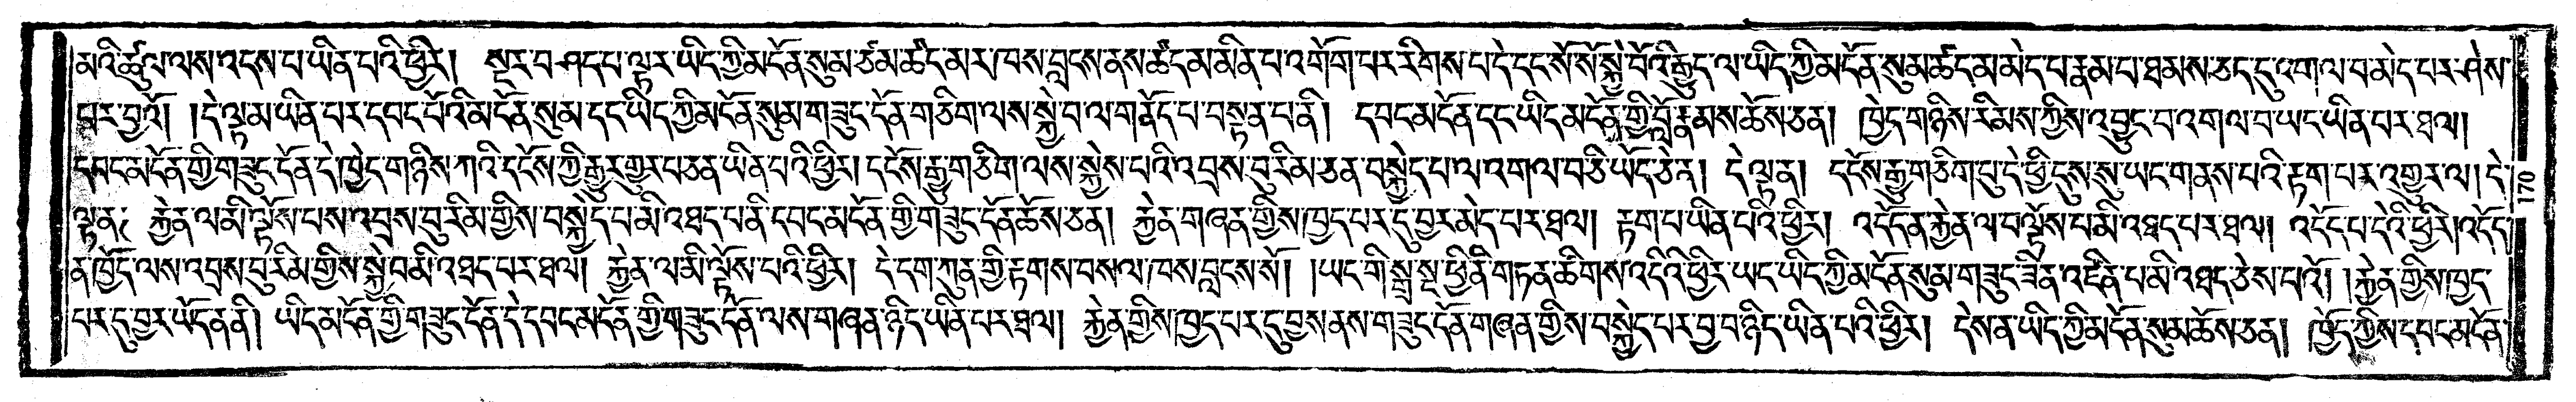མའི་ཚུལ་ལས་འདས་པ་ཡིན་པའི་ཕྱིར། སྔར་བཤད་པ་ལྟར་ཡིད་ཀྱི་མངོན་སུམ་ཙམ་ཚད་མར་ཁས་བླངས་ནས་ཚད་མ་མིན་པ་འགོག་པར་རིགས་པ་དེ་དང་སོ་སོ་སྐྱེ་བོའི་རྒྱུད་ལ་ཡིད་ཀྱི་མངོན་སུམ་ཚད་མ་མེད་པ་རྣམ་པ་ཐམས་ཅད་དུ་འགལ་བ་མེད་པར་ཤེས་
པར་བྱའོ། །དེ་ལྟ་མ་ཡིན་པར་དབང་པོའི་མངོན་སུམ་དང་ཡིད་ཀྱི་མངོན་སུམ་གཟུང་དོན་གཅིག་ལས་སྐྱེ་བ་ལ་གནོད་པ་བསྟན་པ་ནི། དབང་མངོན་དང་ཡིད་མངོན་གྱི་བློ་རྣམས་ཆོས་ཅན། ཁྱེད་གཉིས་རིམས་ཀྱིས་འབྱུང་བ་འགལ་བ་ཡང་ཡིན་པར་ཐལ།
དབང་མངོན་གྱི་གཟུང་དོན་དེ་ཁྱེད་གཉིས་ཀའི་དངོས་ཀྱི་རྒྱུར་གྱུར་པ་ཅན་ཡིན་པའི་ཕྱིར། དངོས་རྒྱུ་གཅིག་ལས་སྐྱེས་པའི་འབྲས་བུ་རིམ་ཅན་བསྐྱེད་པ་ལ་འགལ་བ་ཅི་ཡོད་ཅེ་ན། དེ་ལྟ་ན། དངོས་རྒྱུ་གཅིག་པུ་དེ་ཕྱི་དུས་སུ་ཡང་གནས་པའི་རྟག་པར་འགྱུར་ལ། དེ་
ལྟ་ན། རྐྱེན་ལ་མི་ལྟོས་པས་འབྲས་བུ་རིམ་གྱིས་བསྐྱེད་པ་མི་འཐད་པ་ནི་དབང་མངོན་གྱི་གཟུང་དོན་ཆོས་ཅན། རྐྱེན་གཞན་གྱིས་ཁྱད་པར་དུ་བྱར་མེད་པར་ཐལ། རྟག་པ་ཡིན་པའི་ཕྱིར། འདོད་ན་རྐྱེན་ལ་བལྟོས་པ་མི་འཐད་པར་ཐལ། འདོད་པ་དེའི་ཕྱིར། འདོད་
ན་ཁྱོད་ལས་འབྲས་བུ་རིམ་གྱིས་སྐྱེ་བ་མི་འཐད་པར་ཐལ། རྐྱེན་ལ་མི་ལྟོས་པའི་ཕྱིར། དེ་དག་ཀུན་གྱི་རྟགས་བསལ་ཁས་བླངས་སོ། །ཡང་གི་སྒྲ་སྔ་ཕྱི་ནི་གཏན་ཚིགས་འདིའི་ཕྱིར་ཡང་ཡིད་ཀྱི་མངོན་སུམ་གཟུང་ཟིན་འཛིན་པ་མི་འཐད་ཅེས་པའོ། །རྐྱེན་གྱིས་ཁྱད་
པར་དུ་བྱར་ཡོད་ན་ནི། ཡིད་མངོན་གྱི་གཟུང་དོན་དེ་དབང་མངོན་གྱི་གཟུང་དོན་ལས་གཞན་ཉིད་ཡིན་པར་ཐལ། རྐྱེན་གྱིས་ཁྱད་པར་དུ་བྱས་ནས་གཟུང་དོན་གཞན་གྱིས་བསྐྱེད་པར་བྱ་བ་ཉིད་ཡིན་པའི་ཕྱིར། དེས་ན་ཡིད་ཀྱི་མངོན་སུམ་ཆོས་ཅན། ཁྱོད་ཀྱིས་དབང་མངོན་